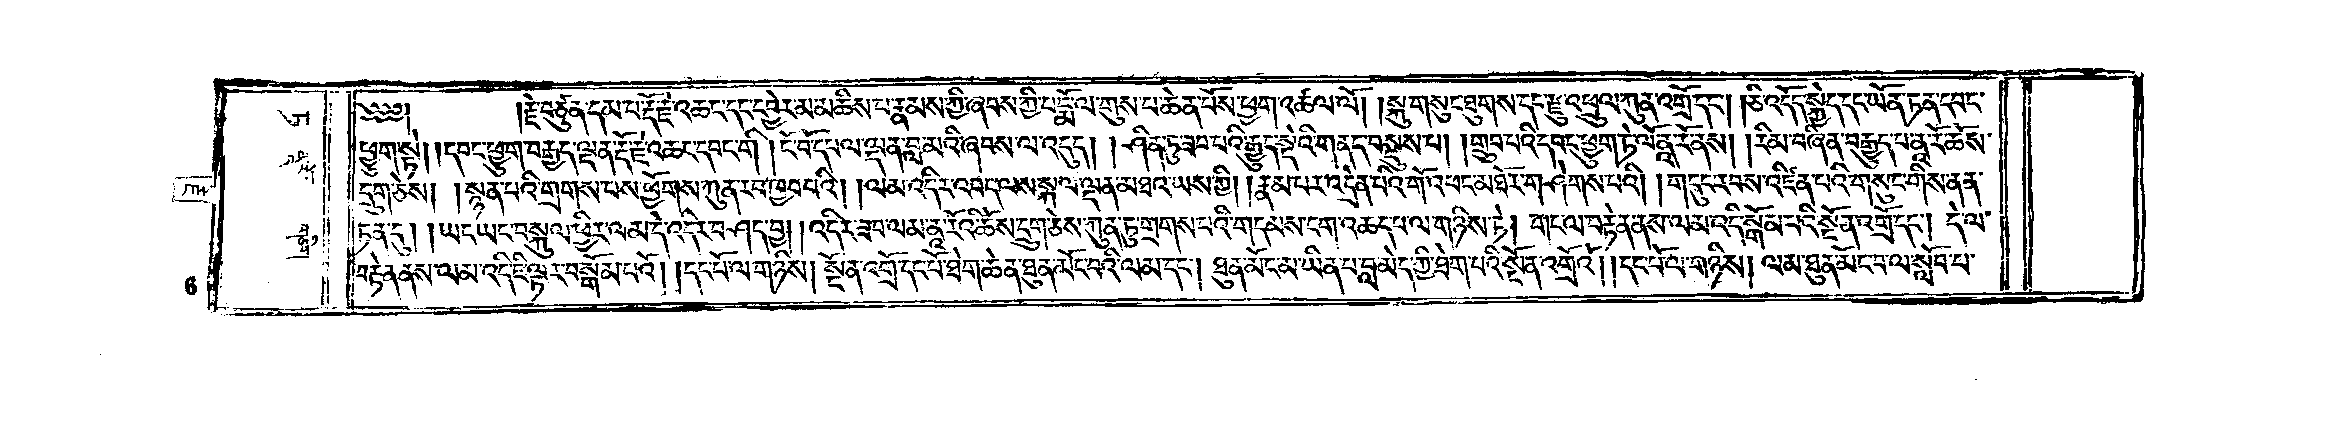༄༅༅། །རྗེ་བཙུན་དམ་པ་རྡོ་རྗེ་འཆང་དང་དབྱེར་མ་མཆིས་པ་རྣམས་ཀྱི་ཞབས་ཀྱི་པདམོ་ལ་གུས་པ་ཆེན་པོས་ཕྱག་འཚལ་ལོ། །སྐུ་གསུང་ཐུགས་དང་རྫུ་འཕྲུལ་ཀུན་འགྲོ་དང་། །ཅི་འདོད་སྐྱེད་དང་ཡོན་ཏན་དབང་
ཕྱུག་སྟེ། །དབང་ཕྱུག་བརྒྱད་ལྡན་རྡོ་རྗེ་འཆང་དབང་གི །ངོ་བོ་དཔལ་ལྡན་བླ་མའི་ཞབས་ལ་འདུད། །ཤིན་ཏུ་ཟབ་པའི་རྒྱུད་སྡེའི་གནད་བསྡུས་པ། །གྲུབ་པའི་དབང་ཕྱུག་ཏེ་ལོ་ནཱ་རོ་ནས། །རིམ་བཞིན་བརྒྱུད་པ་ནཱ་རོ་ཆོས་
དྲུག་ཅེས། །སྙན་པའི་གྲགས་པས་ཕྱོགས་ཀུན་རབ་ཁྱབ་པའི། །ལམ་འདིར་འབད་ལས་སྐལ་ལྡན་མཐའ་ཡས་ཀྱི། །རྣམ་པར་འདྲེན་པའི་གོ་འཕང་མཐོར་གཤེགས་པའི། །གདུང་རབས་འཛིན་པའི་གསུང་གིས་ནན་
ཏན་དུ། །ཡང་ཡང་བསྐུལ་ཕྱིར་ལམ་དེ་འདིར་བཤད་བྱ། །འདིར་ཟབ་ལམ་ནཱ་རོའི་ཆོས་དྲུག་ཅེས་ཀུན་ཏུ་གྲགས་པའི་གདམས་ངག་འཆད་པ་ལ་གཉིས་ཏེ། གང་ལ་བརྟེན་ནས་ལམ་འདི་སྒོམ་པའི་སྔོན་འགྲོ་དང་། དེ་ལ་
བརྟེན་ནས་ལམ་འདི་ཇི་ལྟར་བསྒོམ་པའོ། །དང་པོ་ལ་གཉིས། སྔོན་འགྲོ་དང་པོ་ཐེག་ཆེན་ཐུན་མོང་བའི་ལམ་དང་། ཐུན་མོང་མ་ཡིན་པ་བླ་མེད་ཀྱི་ཐེག་པའི་སྔོན་འགྲོའོ། །དང་པོ་ལ་གཉིས། ལམ་ཐུན་མོང་བ་ལ་སློབ་པ་